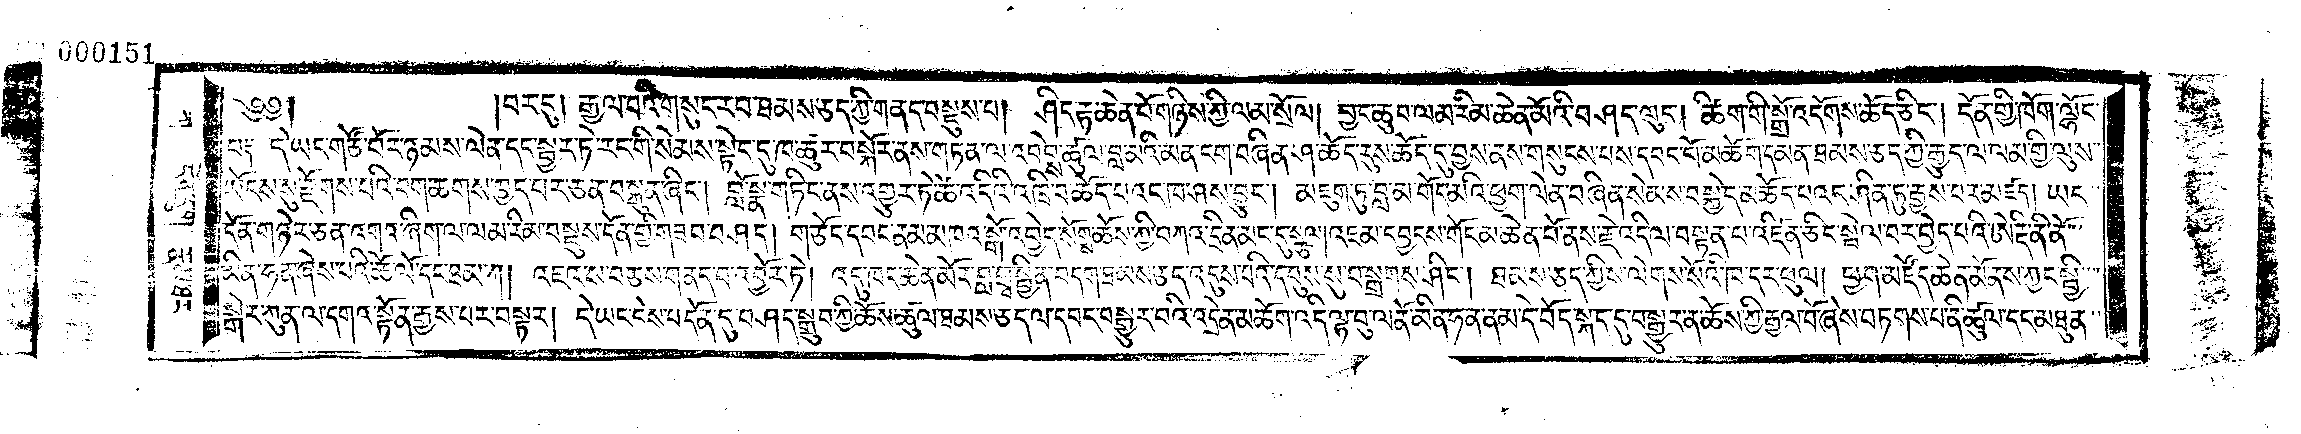༄༅། །བར་དུ། རྒྱལ་བའི་གསུང་རབ་ཐམས་ཅད་ཀྱི་གནད་བསྡུས་པ། ཤིང་རྟ་ཆེན་པོ་གཉིས་ཀྱི་ལམ་སྲོལ། བྱང་ཆུབ་ལམ་རིམ་ཆེན་མོའི་བཤད་ལུང་། ཚིག་གི་སྒྲོ་འདོགས་ཆོད་ཅིང་། དོན་གྱི་ཁོག་ལྷོང་
བ༑ དེ་ཡང་གཙོ་བོར་ཉམས་ལེན་དང་སྦྱར་ཏེ་རང་གི་སེམས་སྟེང་དུ་ཁ་ཚུར་བསྐོར་ནས་གཏན་ལ་འབེབས་ཚུལ་བླ་མའི་མན་ངག་བཞིན་ཤ་ཆོད་རུས་ཆོད་དུ་བྱས་ནས་གསུངས་པས་དབང་པོ་མཆོག་དམན་ཐམས་ཅད་ཀྱི་རྒྱུད་ལ་ལམ་གྱི་ལུས་
ཡོངས་སུ་རྫོགས་པའི་བག་ཆགས་ཁྱད་པར་ཅན་བསྐྲུན་ཞིང་། བློ་སྣ་གཏིང་ནས་འགྱུར་ཏེ་ཚེ་འདིའི་འཁྲི་བ་ཆོད་པའང་ཁ་ཤས་བྱུང་། མཇུག་ཏུ་བླ་མ་གོང་མའི་ཕྱག་ལེན་བཞིན་སེམས་བསྐྱེད་མཆོད་པའང་ཤིན་ཏུ་རྒྱས་པར་མཛད། ཡང་
དོན་གཉེར་ཅན་འགའ་ཞིག་ལ་ལམ་རིམ་བསྡུས་དོན་གྱི་གཟབ་བཤད། གཅོད་དབང་ནམ་མཁའ་སྒོ་འབྱེད་སོགས་ཆོས་ཀྱི་བཀའ་དྲིན་མང་དུ་སྩལ། འཇམ་དབྱངས་གོང་མ་ཆེན་པོ་ནས་རྗེ་འདི་ལ་བསྟན་པ་འཛིན་ཅིང་སྤེལ་བར་བྱེད་པའི་ཨེ་རྡི་ནི་ནོ་
མིན་ཧན་ཞེས་པའི་ཚེ་ལོ་དང་ཐམ་ཀ། འཇའ་ས་བཅས་གནང་བ་འབྱོར་ཏེ། འདུ་ཁང་ཆེན་མོར་བླ་གྲྭ་སྦྱིན་བདག་ཐམས་ཅད་འདུས་པའི་དབུས་སུ་བསྒྲགས་ཤིང་། ཐམས་ཅད་ཀྱིས་ལེགས་སོའི་ཁ་དར་ཕུལ། ཕྱག་མཛོད་ཆེན་མོ་ནས་ཀྱང་སྤྱི་
སྒེར་ཀུན་ལ་དགའ་སྟོན་རྒྱས་པར་བསྟར། དེ་ཡང་ངེས་བ་དོན་དུ་བཤད་སྒྲུབ་ཀྱི་ཆོས་ཚུལ་ཐམས་ཅད་ལ་དབང་བསྒྱུར་བའི་འདྲེན་མཆོག་འདི་ལྟ་བུ་ལ་ནོ་མིན་ཧན་ནམ་དེ་བོད་སྐད་དུ་བསྒྱུར་ན་ཆོས་ཀྱི་རྒྱལ་པོ་ཞེས་བཏགས་པ་ནི་ཚུལ་དང་མཐུན་